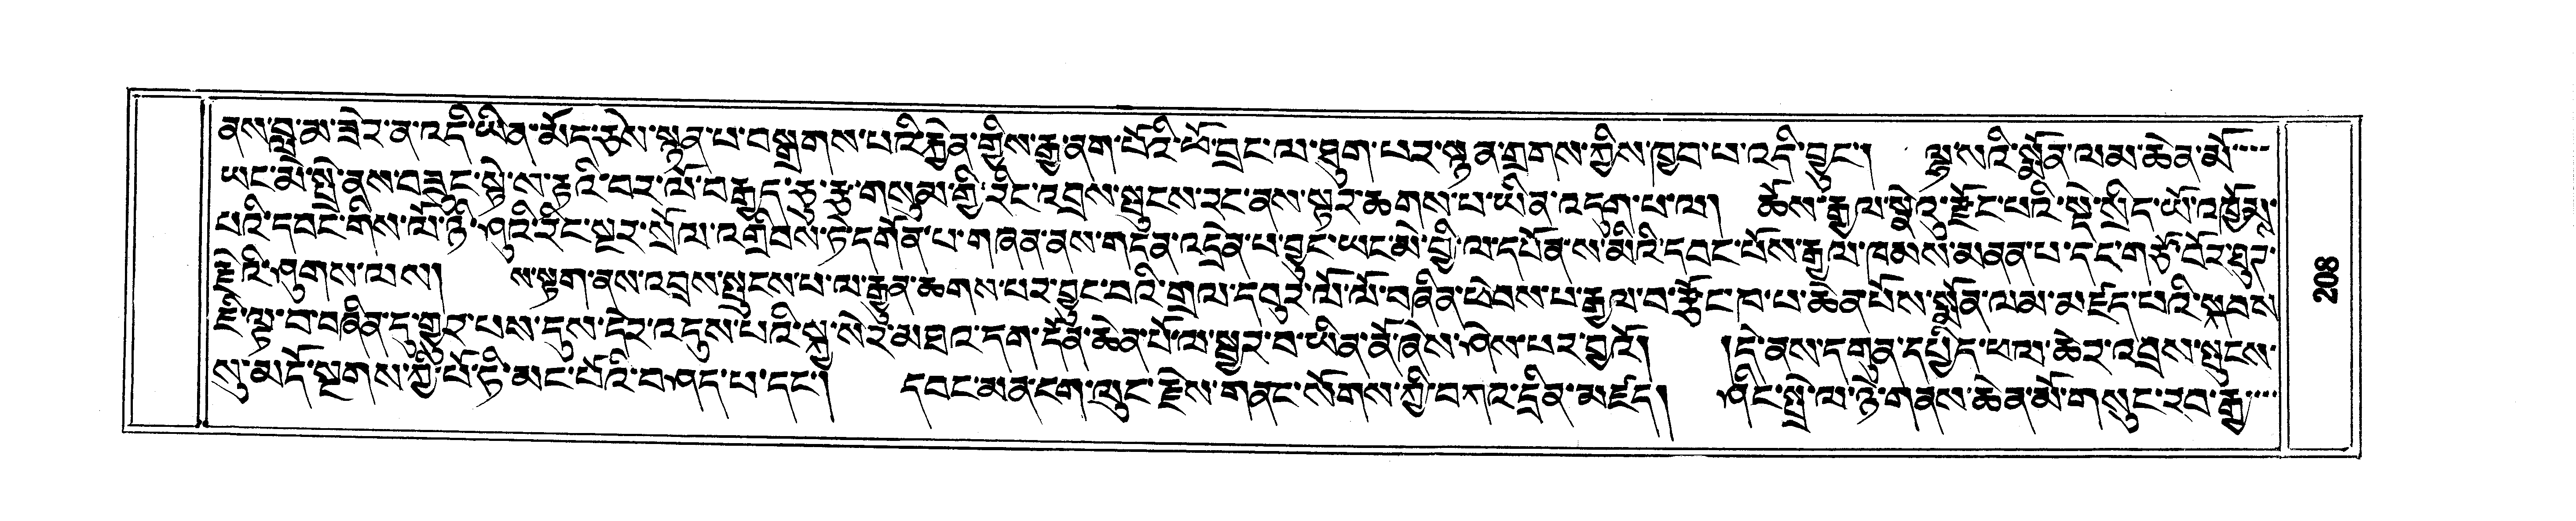ནས་བླ་མ་ཟེར་ན་འདི་ཡིན་མོད་ཅེས་སྙན་པ་བསྒྲགས་པའི་རྐྱེན་གྱིས་རྒྱ་ནག་པོའི་ཕོ་བྲང་ལ་ཐུག་པར་སྙན་གྲགས་ཀྱིས་ཁྱབ་པ་འདི་བྱུང་། ལྷ་སའི་སྨོན་ལམ་ཆེན་མོ་
ཡང་མེ་སྤྲེ་ནས་བཟུང་སྟེ་ས་རྟའི་བར་ལོ་བརྒྱད་ཅུ་རྩ་གསུམ་གྱི་རིང་འབྲས་སྤུངས་རང་ནས་སྟར་ཆགས་པ་ཡིན་འདུག་པ་ལ། ཆོས་རྒྱལ་སྙེའུ་རྫོང་པའི་སྡེ་སྲིད་ཡོ་འཁྱོམས་
པའི་དབང་གིས་ལོ་ཉི་ཤུའི་རིང་སྔར་སྲོལ་འགྲིབས་ཏེ་དགོན་པ་གཞན་ནས་གདན་འདྲེན་པ་བྱུང་ཡང་མེ་བྱི་ལ་དཔོན་ས་མིའི་དབང་པོས་རྒྱལ་ཁམས་མནན་པ་དང་གཙོ་བོར་ཐུཊ་
རྗེའི་ཤུགས་ལས། ས་སྟག་ནས་འབྲས་སྤུངས་པ་ལ་རྒྱུན་ཆགས་པར་བྱུང་བའི་གྲལ་དབུར་ལོ་ལོ་བཞིན་ཕེབས་པ་རྒྱལ་བ་རྩོང་ཁ་པ་ཆེན་པོས་སྨོན་ལམ་མཛད་པའི་སྐབས་
ཇི་ལྟ་བ་བཞིན་དུ་གྱུར་པས་དུས་དེར་འདུས་པའི་སྐྱ་སེར་མཐའ་དག་དོན་ཆེན་པོ་ལ་སྦྱར་བ་ཡིན་ནོ་ཞེས་ཤེས་པར་བྱའོ། །དེ་ནས་དགུན་དཔྱིད་ཕལ་ཆེར་འབྲས་སྤུངས་
སུ་མདོ་སྔགས་ཀྱི་པོ་ཏི་མང་པོའི་བཤད་པ་དང་། དབང་མན་ངག་ལུང་རྗེས་གནང་སོགས་ཀྱི་བཀའ་དྲིན་མཛད། ཤིང་སྤྲེ་ལ་ཉེ་གནས་ཆེན་མོ་གསུང་རབ་རྒྱ་